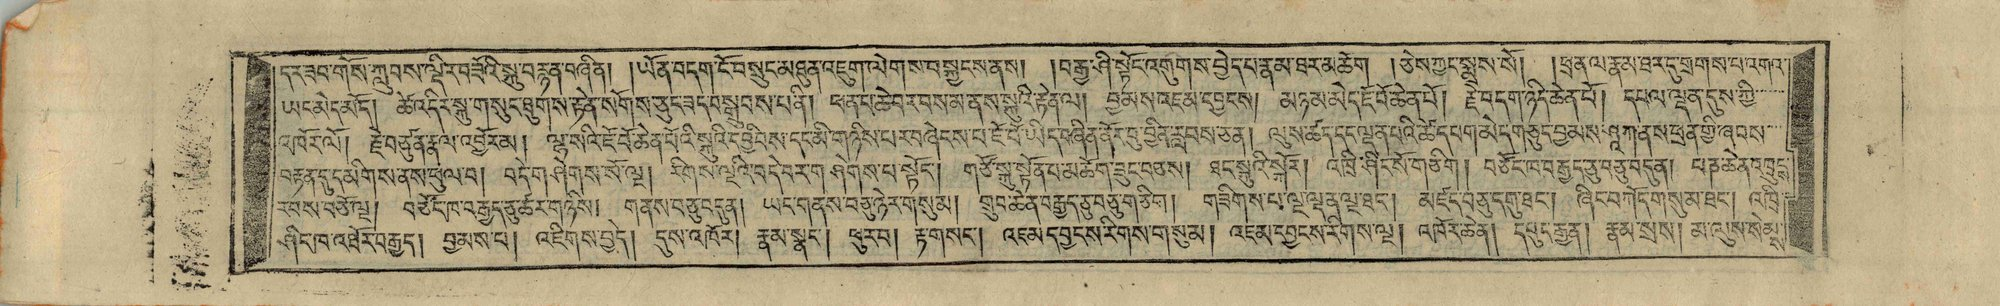དར་ཟབ་གོས་ཀླུབས་ལྡིར་བཟོའི་སྐུ་བརྙན་བཞིན། །ཡོན་བདག་ངོ་བསྲུང་མཐུན་འཇུག་ལེགས་བསྐྱངས་ནས། །བརྒྱ་ཤི་སྟོང་འགུགས་བྱེད་པ་རྣམ་ཐར་མཆོག །ཅེས་ཀྱང་སྨྲས་སོ། །ཕྲན་ལ་རྣམ་ཐར་དུ་གྲགས་པ་འགའ་
ཡང་མེད་མོད། ཚེ་འདིར་སྐུ་གསུང་ཐུགས་རྟེན་སོགས་ཅུང་ཟད་བསྒྲུབས་པ་ནི། ཕན་པ་ཆེ་བར་བསམ་ནས་སྐུའི་རྟེན་ལ། བྱམས་འཇམ་དབྱངས། མཉམ་མེད་ཇོ་བོ་ཆེན་པོ། རྗེ་བདག་ཉིད་ཆེན་པོ། དཔལ་ལྡན་དུས་ཀྱི་
འཁོར་ལོ། རྗེ་བཙུན་རྣལ་འབྱོར་མ། ལྷ་སའི་ཇོ་བོ་ཆེན་པོའི་སྐུའི་དབྱིབས་དང་མི་གཉིས་པར་བཞེངས་པ་ཇོ་བོ་ཡིད་བཞིན་ནོར་བུ་བྱིན་རླབས་ཅན། ལུས་ཚད་དང་ལྡན་པའི་ཚེ་དཔག་མེད་གཅུང་བྱམས་ཤཱཀ་ནས་ཕྲན་གྱི་ཞབས་
བརྟན་དུ་དམིགས་ནས་ཕུལ་བ། བདེ་གཤེགས་སོ་ལྔ། རིགས་ལྔའི་བདེ་བར་གཤེགས་པ་སྟོང་། གཙོ་སྐུ་སྟོན་པ་མཆོག་ཟུང་བཅས། ཐང་སྐུའི་སྐོར། འཁྲི་ཤིང་སོ་གཅིག །བཙོང་ཁ་བརྒྱད་ཅུ་བཅུ་བདུན། པཎ་ཆེན་འཁྲུངས་
རབས་བཅོ་ལྔ། བཙོང་ཁ་བརྒྱད་ཅུ་ཚར་གཉིས། གནས་བཅུ་བདུན། ཡང་གནས་བཅུ་ཉེར་གསུམ། གྲུབ་ཆེན་བརྒྱད་ཅུ་བཅུ་གཅིག །གཟིགས་པ་ལྔ་ལྡན་ལྔ་ཐང་། མཛད་བཅུ་དགུ་ཐང་། ཞིང་བཀོད་གསུམ་ཐང་། འཁྲི་
ཤིང་ཁ་འཐོར་བརྒྱད། བྱམས་པ། འཇིགས་བྱེད། དུས་འཁོར། རྣམ་སྣང་། ཕུར་བ། རྟ་གསང་། འཇམ་དབྱངས་རིགས་གསུམ། འཇམ་དབྱངས་རིགས་ལྔ། འཁོར་ཆེན། དཔུང་རྒྱན། རྣམ་སྲས། མ་ལུས་སེམས་